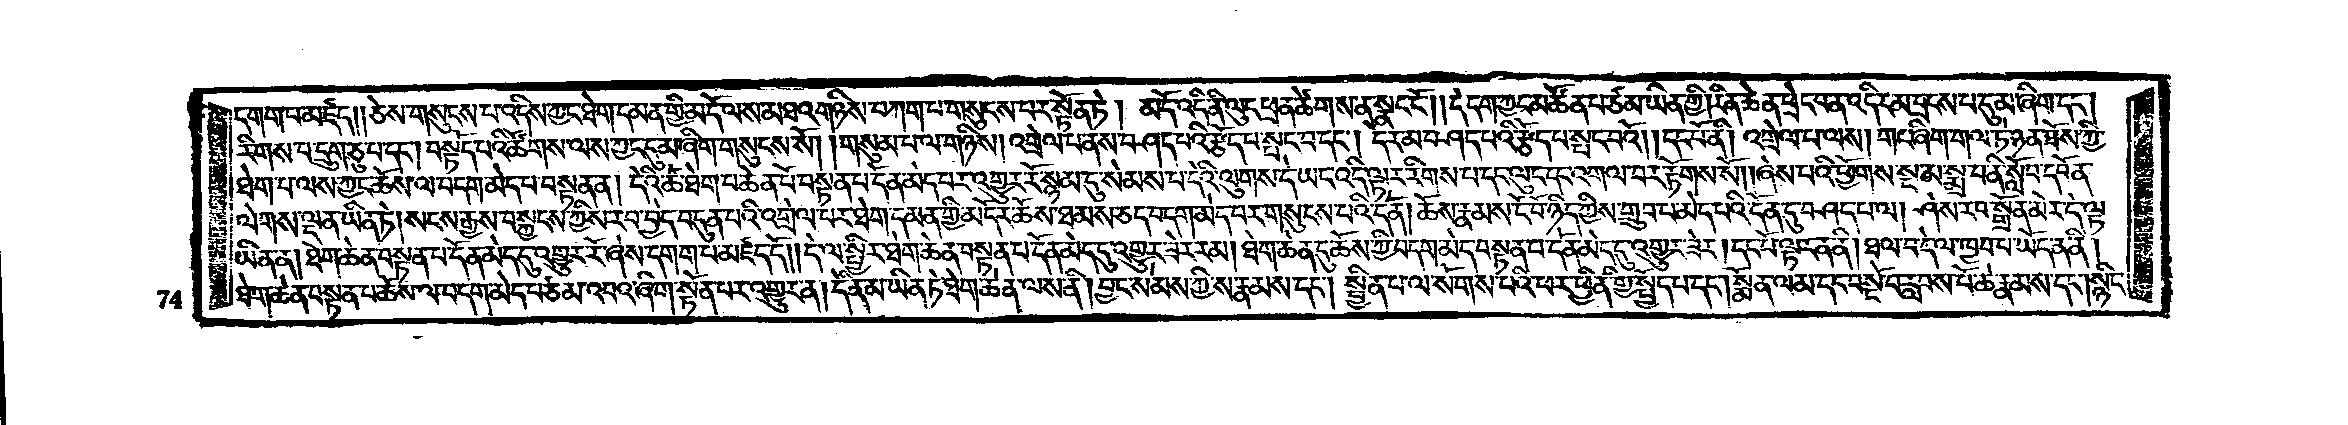དགག་པ་མཛད། །ཅེས་གསུངས་པ་འདིས་ཀྱང་ཐེག་དམན་གྱི་མདོ་ལས་མཐའ་གཉིས་བཀག་པ་གསུངས་པར་སྟོན་ཏེ། མདོ་འདི་ནི་ལུང་ཕྲན་ཚེགས་ན་སྣང་ངོ། །དེ་དག་ཀྱང་མཚོན་པ་ཙམ་ཡིན་གྱི། རིན་ཆེན་ཕྲེང་བ་ན་འདིར་མ་དྲངས་པ་དུ་མ་ཞིག་དང་།
རིགས་པ་དྲུག་ཅུ་པ་དང་། བསྟོད་པའི་ཚོགས་ལས་ཀྱང་དུ་མ་ཞིག་གསུངས་སོ། །གསུམ་པ་ལ་གཉིས། འགྲེལ་པ་ནས་བཤད་པའི་རྩོད་པ་སྤང་བ་དང་། དེར་མ་བཤད་པའི་རྩོད་པ་སྤང་བའོ། །དང་པོ་ནི། འགྲེལ་པ་ལས། གང་ཞིག་གལ་ཏེ་ཉན་ཐོས་ཀྱི་
ཐེག་པ་ལས་ཀྱང་ཆོས་ལ་བདག་མེད་པ་བསྟན་ན། དེའི་ཚེ་ཐེག་པ་ཆེན་པོ་བསྟན་པ་དོན་མེད་པར་འགྱུར་རོ་སྙམ་དུ་སེམས་པ་དེའི་ལུགས་དེ་ཡང་འདི་ལྟར་རིགས་པ་དང་ལུང་དང་འགལ་བར་རྟོགས་སོ། །ཞེས་པའི་ཕྱོགས་སྔ་མ་སྨྲ་བ་ནི་སློབ་དཔོན་
ལེགས་ལྡན་ཡིན་ཏེ། སངས་རྒྱས་བསྐྱངས་ཀྱིས་རབ་བྱེད་བདུན་པའི་འགྲེལ་པར་ཐེག་དམན་གྱི་མདོར་ཆོས་ཐམས་ཅད་བདག་མེད་པར་གསུངས་པའི་དོན། ཆོས་རྣམས་ངོ་བོ་ཉིད་ཀྱིས་གྲུབ་པ་མེད་པའི་དོན་དུ་བཤད་པ་ལ། ཤེས་རབ་སྒྲོན་མེར་དེ་ལྟ་
ཡིན་ན། ཐེག་ཆེན་བསྟན་པ་དོན་མེད་དུ་འགྱུར་རོ་ཞེས་དགག་པ་མཛད་དོ། །དེ་ལ་སྤྱིར་ཐེག་ཆེན་བསྟན་པ་དོན་མེད་དུ་འགྱུར་ཟེར་རམ། ཐེག་ཆེན་དུ་ཆོས་ཀྱི་བདག་མེད་བསྟན་པ་དོན་མེད་དུ་འགྱུར་ཟེར། དང་པོ་ལྟར་ན་ནི། ཐལ་བ་དེ་ལ་ཁྱབ་པ་ཡོད་ན་ནི།
ཐེག་ཆེན་བསྟན་པ་ཆོས་ལ་བདག་མེད་པ་ཙམ་འབའ་ཞིག་སྟོན་པར་འགྱུར་ན། དེ་ནི་མ་ཡིན་ཏེ་ཐེག་ཆེན་ལས་ནི། བྱང་སེམས་ཀྱི་ས་རྣམས་དང་། སྦྱིན་པ་ལ་སོགས་པའི་ཕར་ཕྱིན་གྱི་སྤྱོད་པ་དང་། སྨོན་ལམ་དང་བསྔོ་བ་རླབས་པོ་ཆེ་རྣམས་དང་། སྙིང་